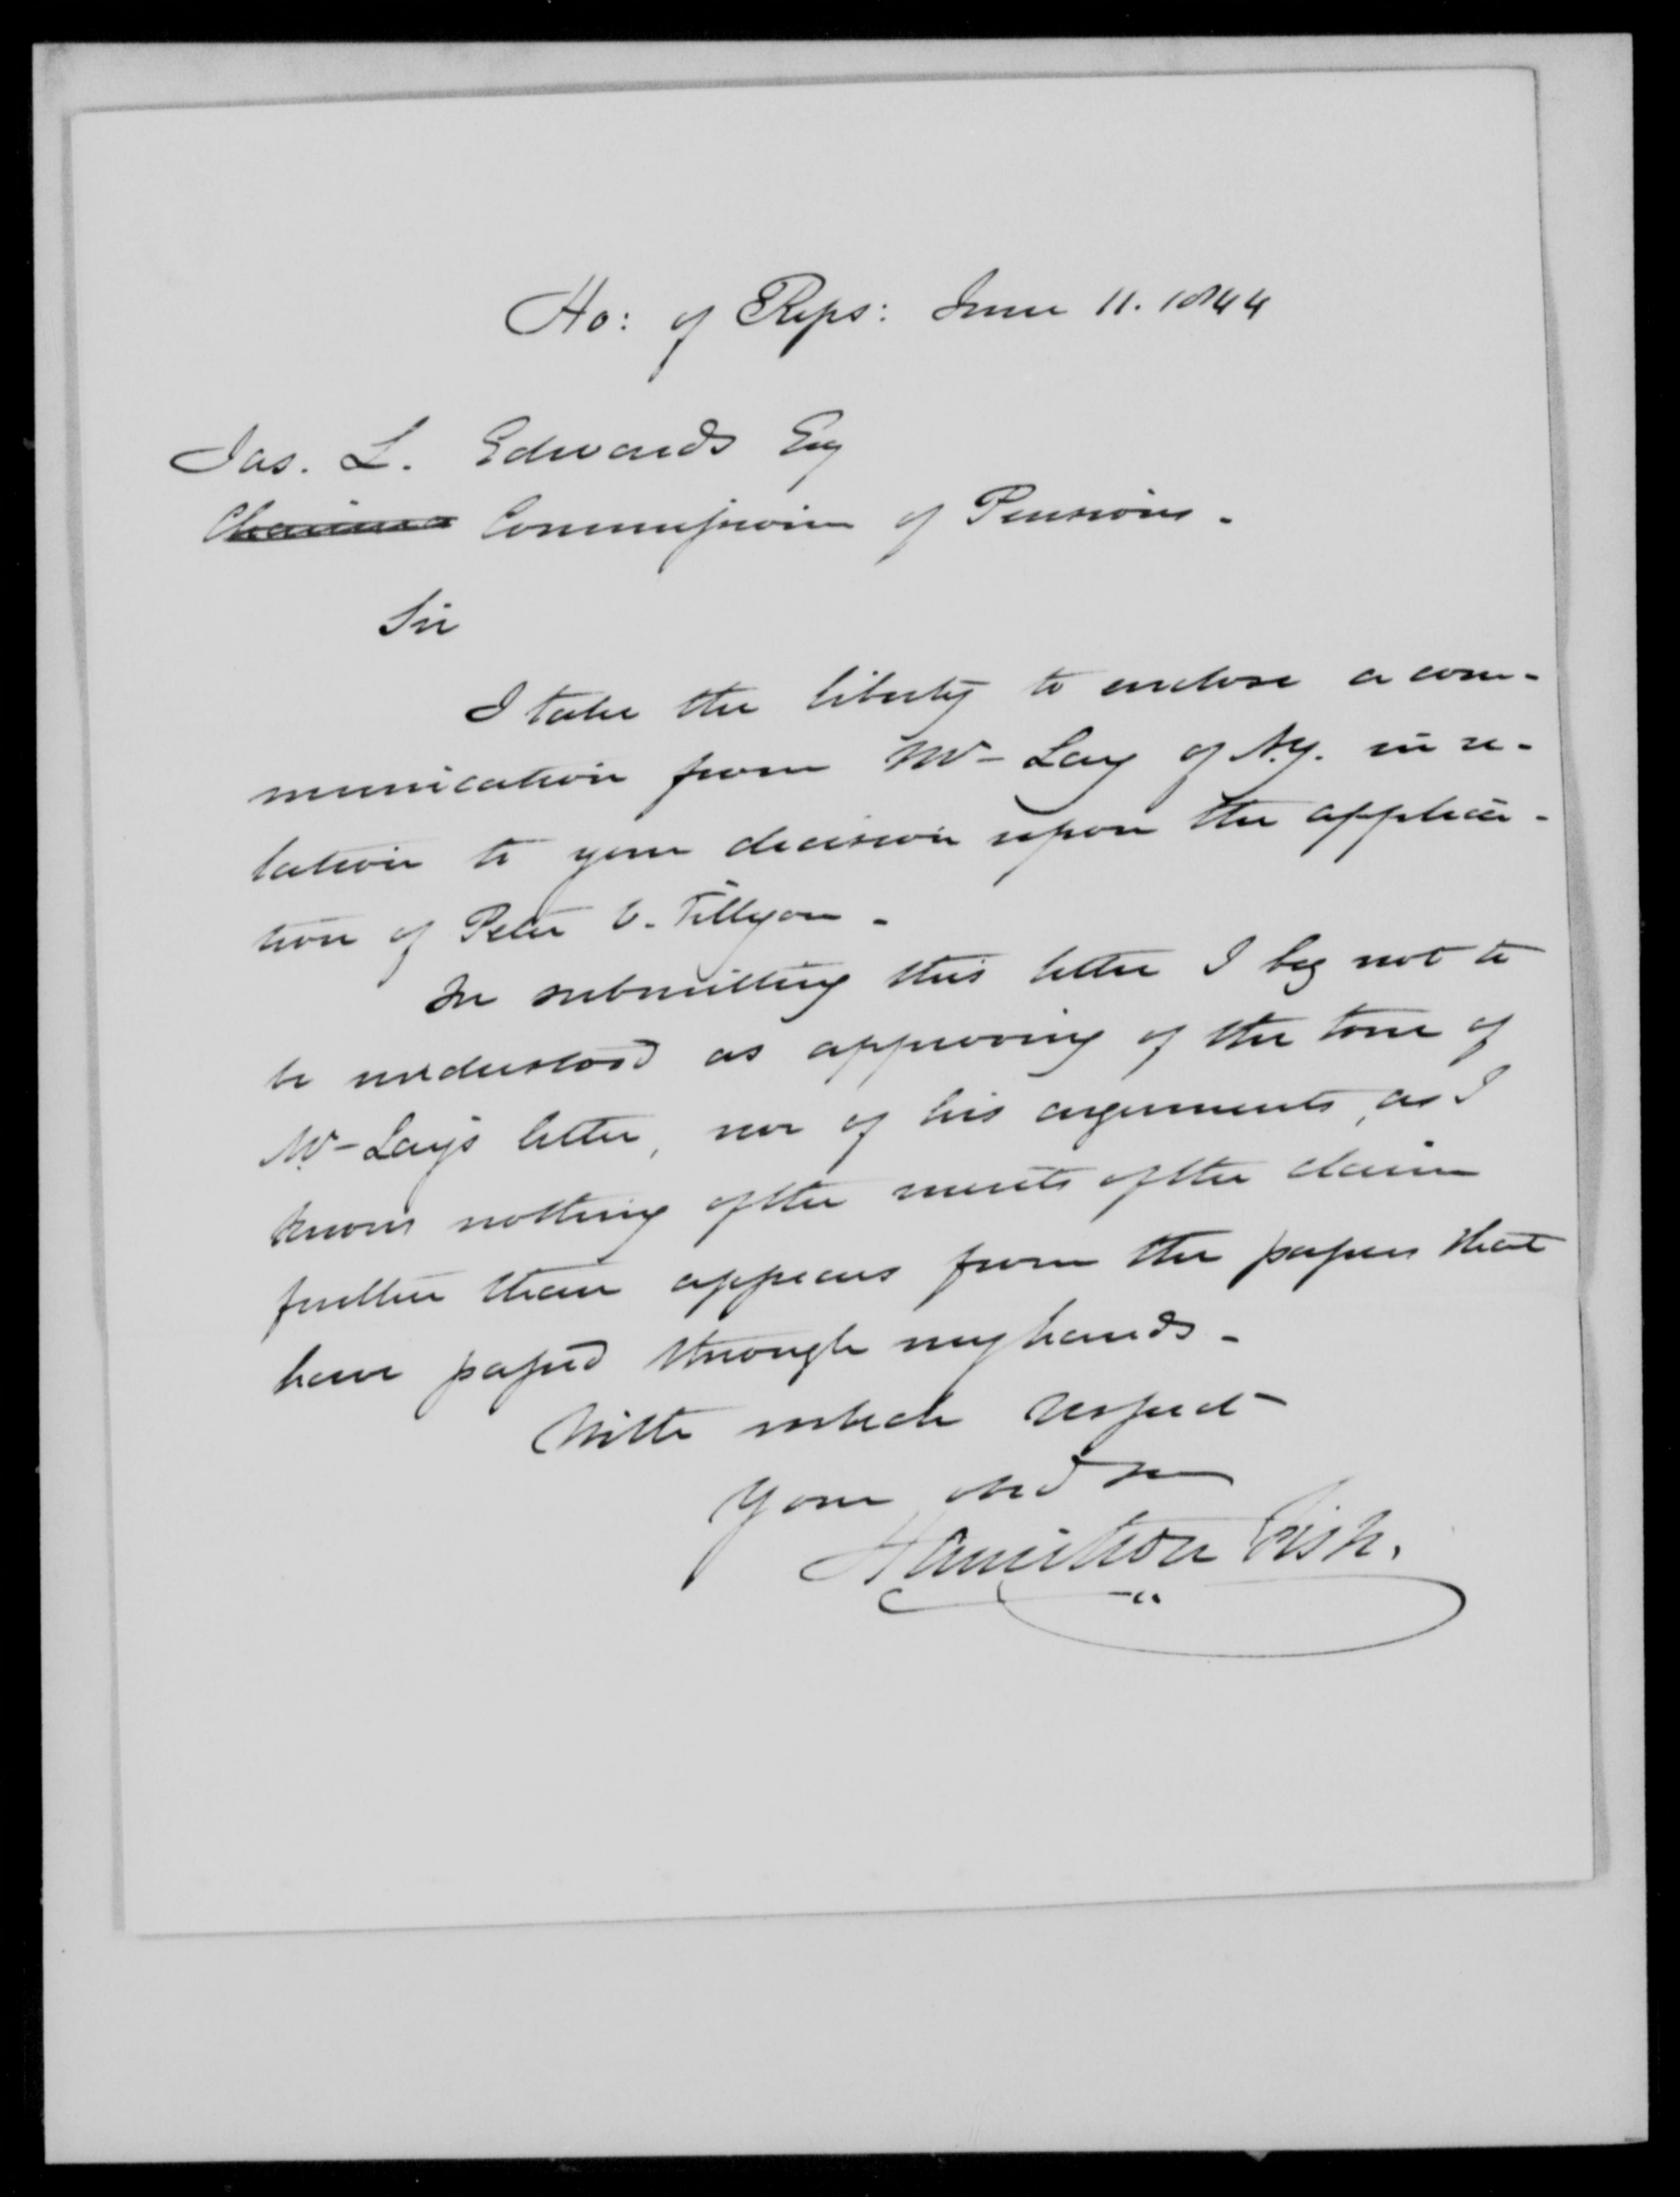Ho: of Reps: June 11. 1844
Jas. L. Edwards Esq
Commissioner of Pensions
 sir
 I take the liberty to enclose a communication from Mr Lay of N.Y. in relation to your decision upon the application of Peter V. Tilyou -
 In submitting this letter I beg not to be understood as approving of the tone of Mr Lay's letter, nor of his arguments, as I know nothing of the  [?nts] of the claim further than appears from the papers that have passed through my hands -
 with much respect
 Your ob Srvt
  Hamilton Fish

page: 20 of 101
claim: widow's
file: W. 25481, for Peter V Tilyou, New Jersey